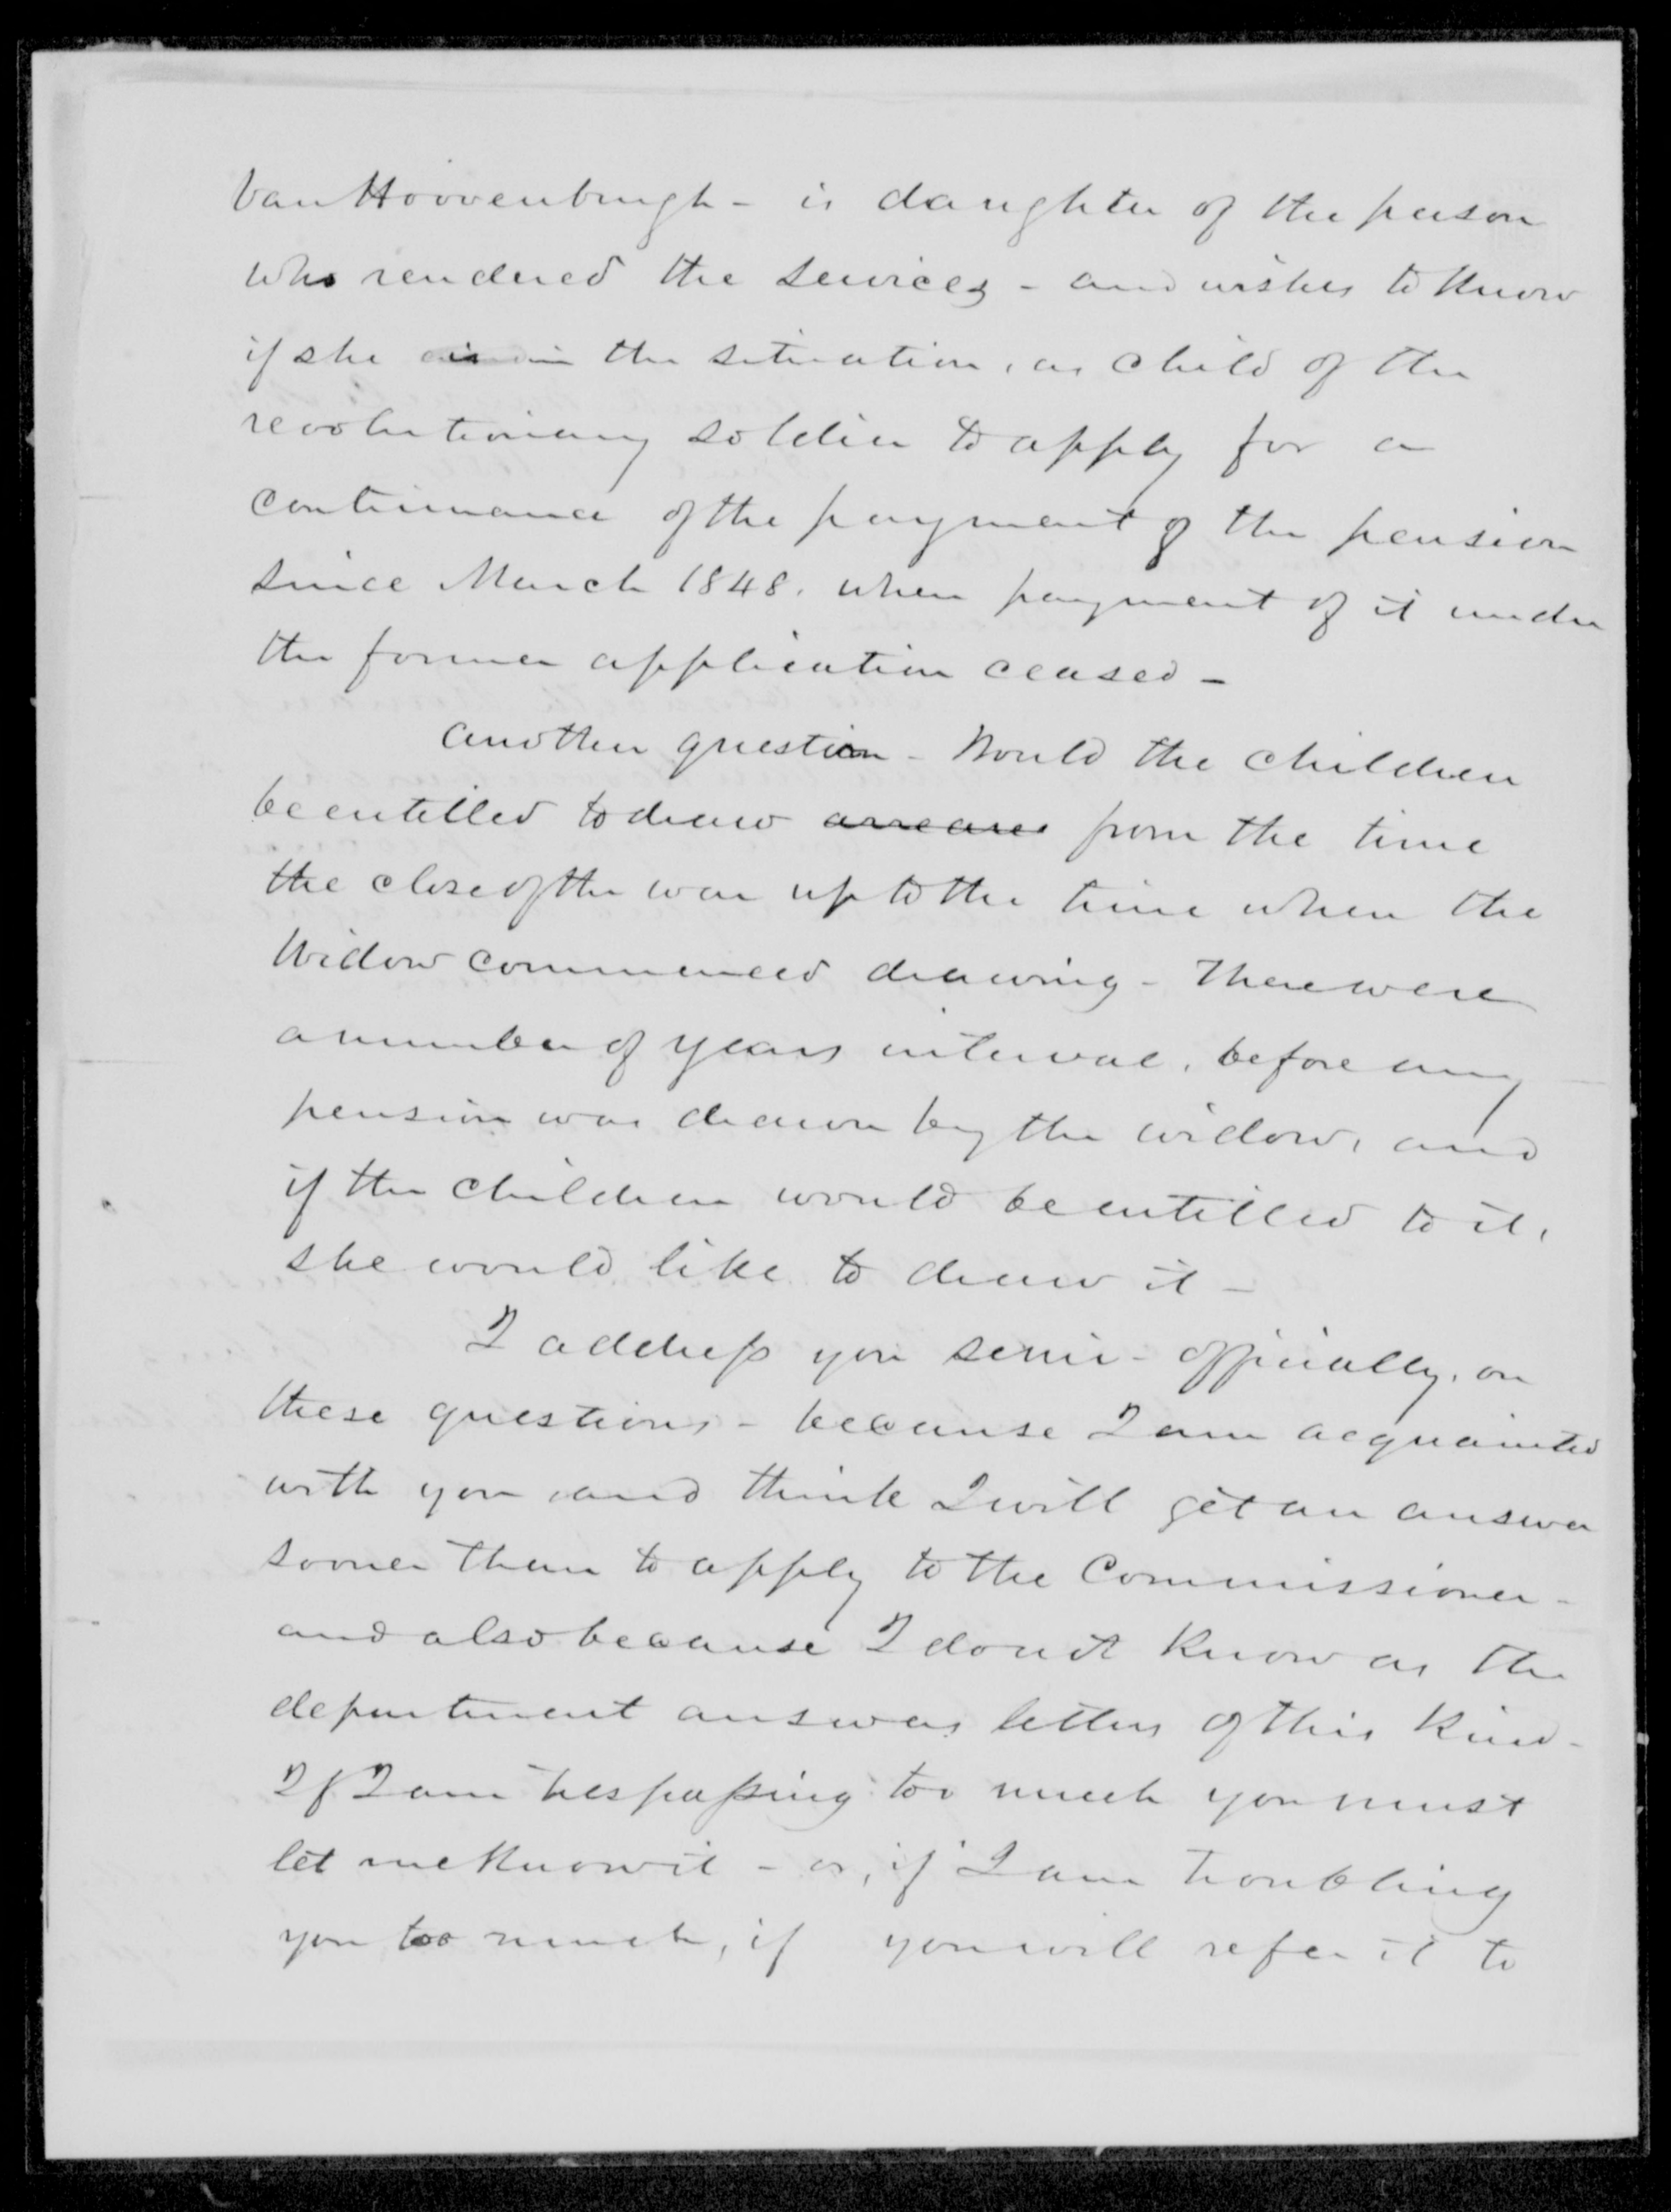Van Hoovenburgh, is daughter of the person who rendered the services - and wishes to know if she is in the situation, as child of the revolutionary soldier to apply for a continuance of the payment of the pension since March 1848, when payment of it under the former application ceased.
Another question - would the children be entitled to draw arrears from the time the close of the war up to the time when the Widow commenced drawing-- There were a number of years interval, before any pension was drawn by the widow, and if the children would be entitled to it. She would like to drew it -
I address you semi-officially on these question-- because I am acquainted with you and think I will get an answer sooner than to apply to the Commissioner - and also because I do not know as the department answers letters of this kind -
If I am trespassing too much you must let me know it - or, if I am troubling you too much, if you will refer it to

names: Van Hoovenburgh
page: 14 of 38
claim: widow's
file: W. 23324, Rudolphus Van Hoevenbergh, New York